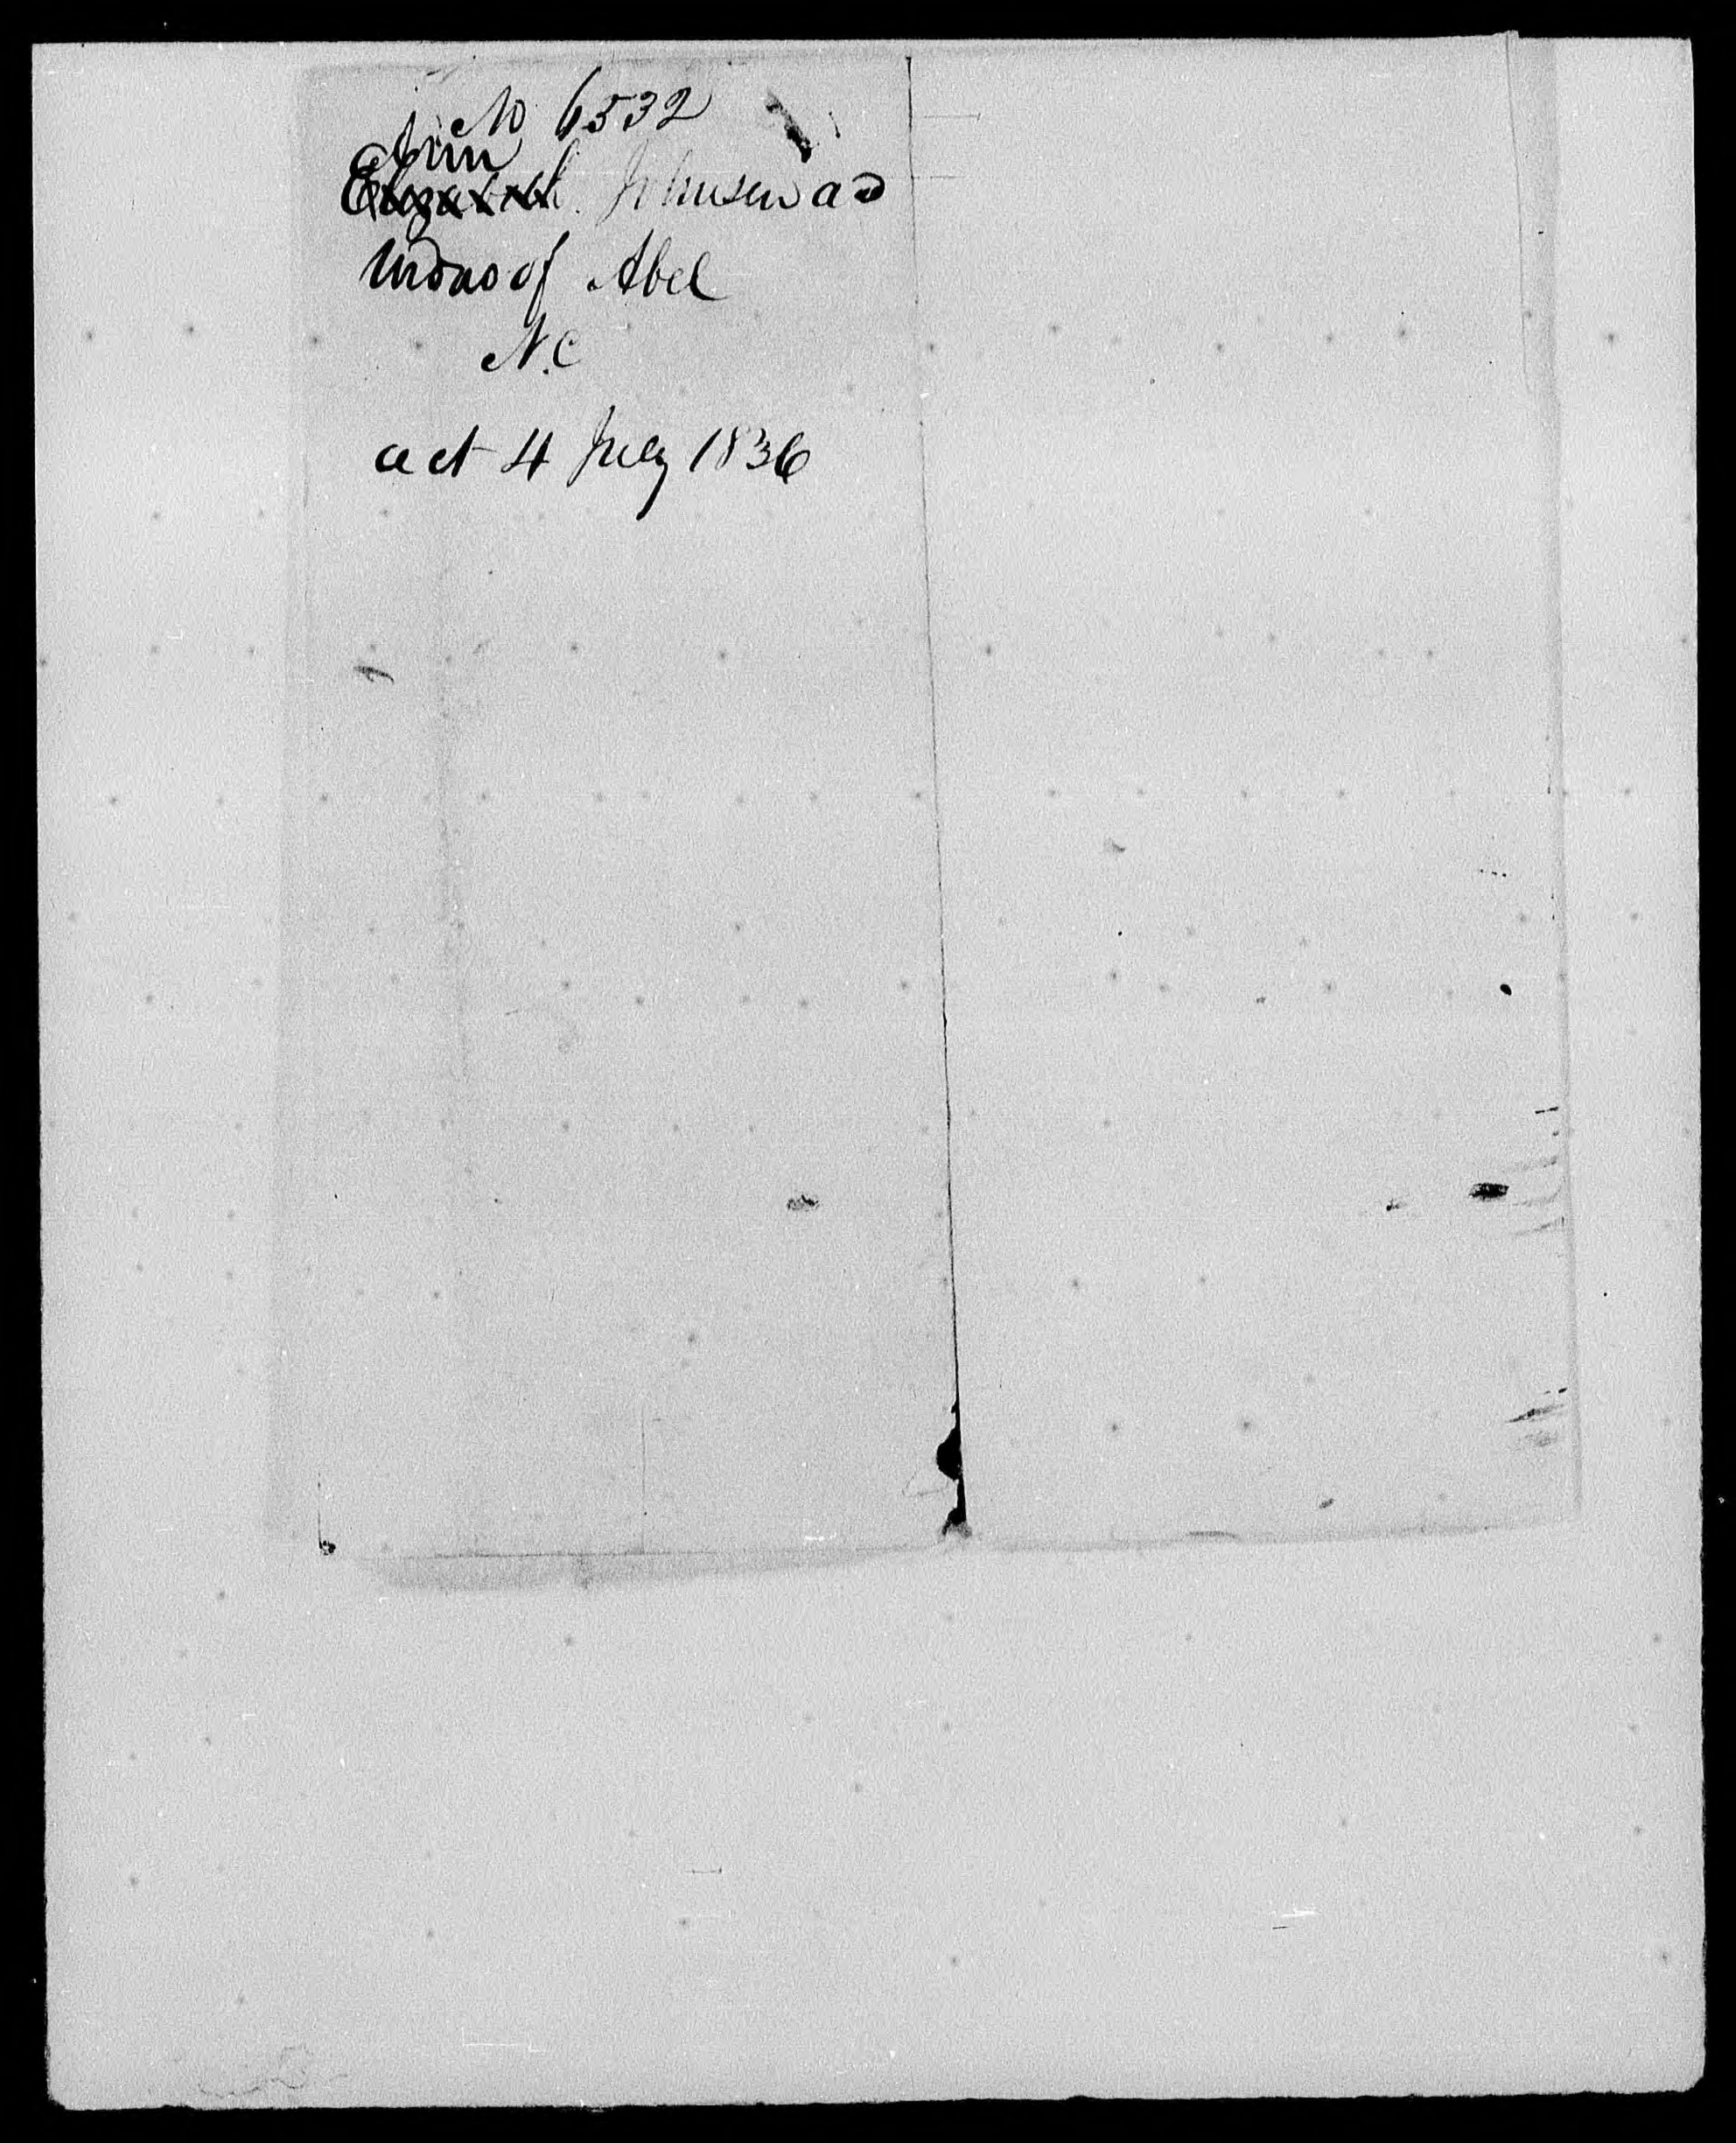No. 6532
Ann Johnson, 
Widow of Abel 
N.C.
Act 4 July 1836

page: 25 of 74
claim: rejected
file: R. 5600, for Abel Johnson, North Carolina